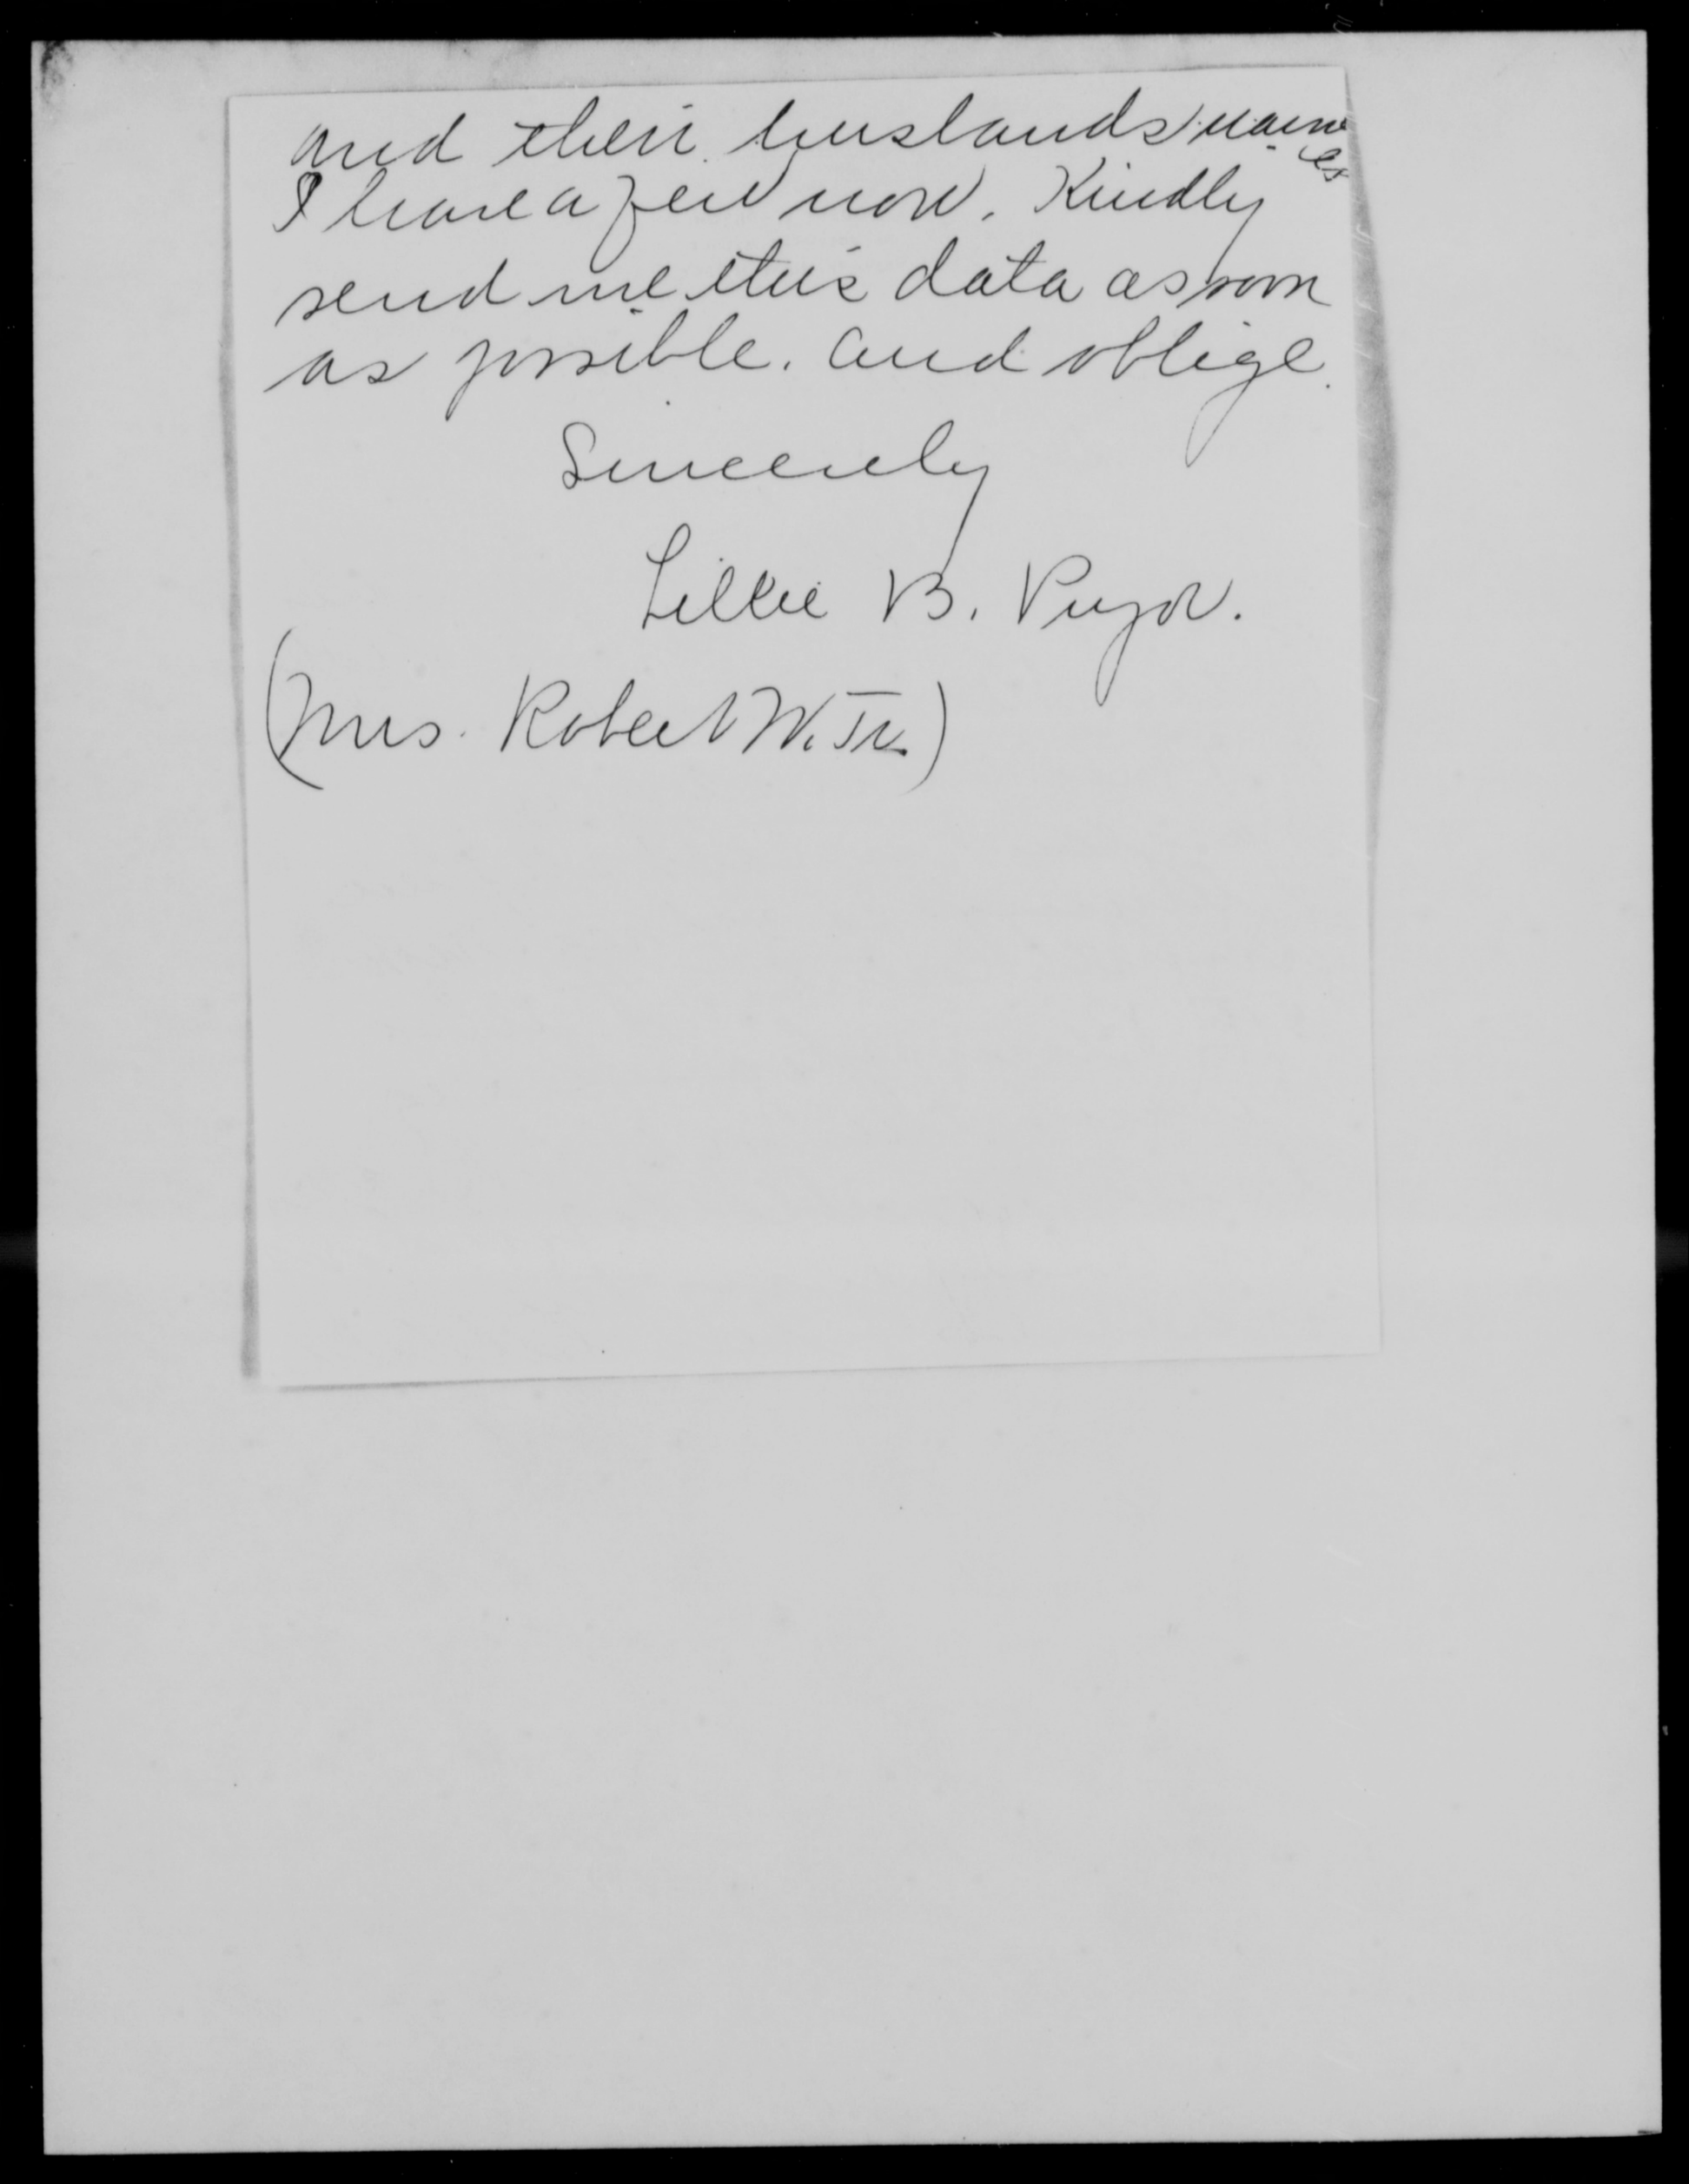and their husbands [sic] names. I have a few now. Kindly send me this data as soon as possible and oblige.
Sincerely,
Lillie B. Pryor
(Mrs. Robert W. Jr.)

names: Robert W [BLANK]; Lillie B Pryor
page: 33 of 73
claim: widow's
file: W. 3197, for Peter Stillwagon, New Jersey